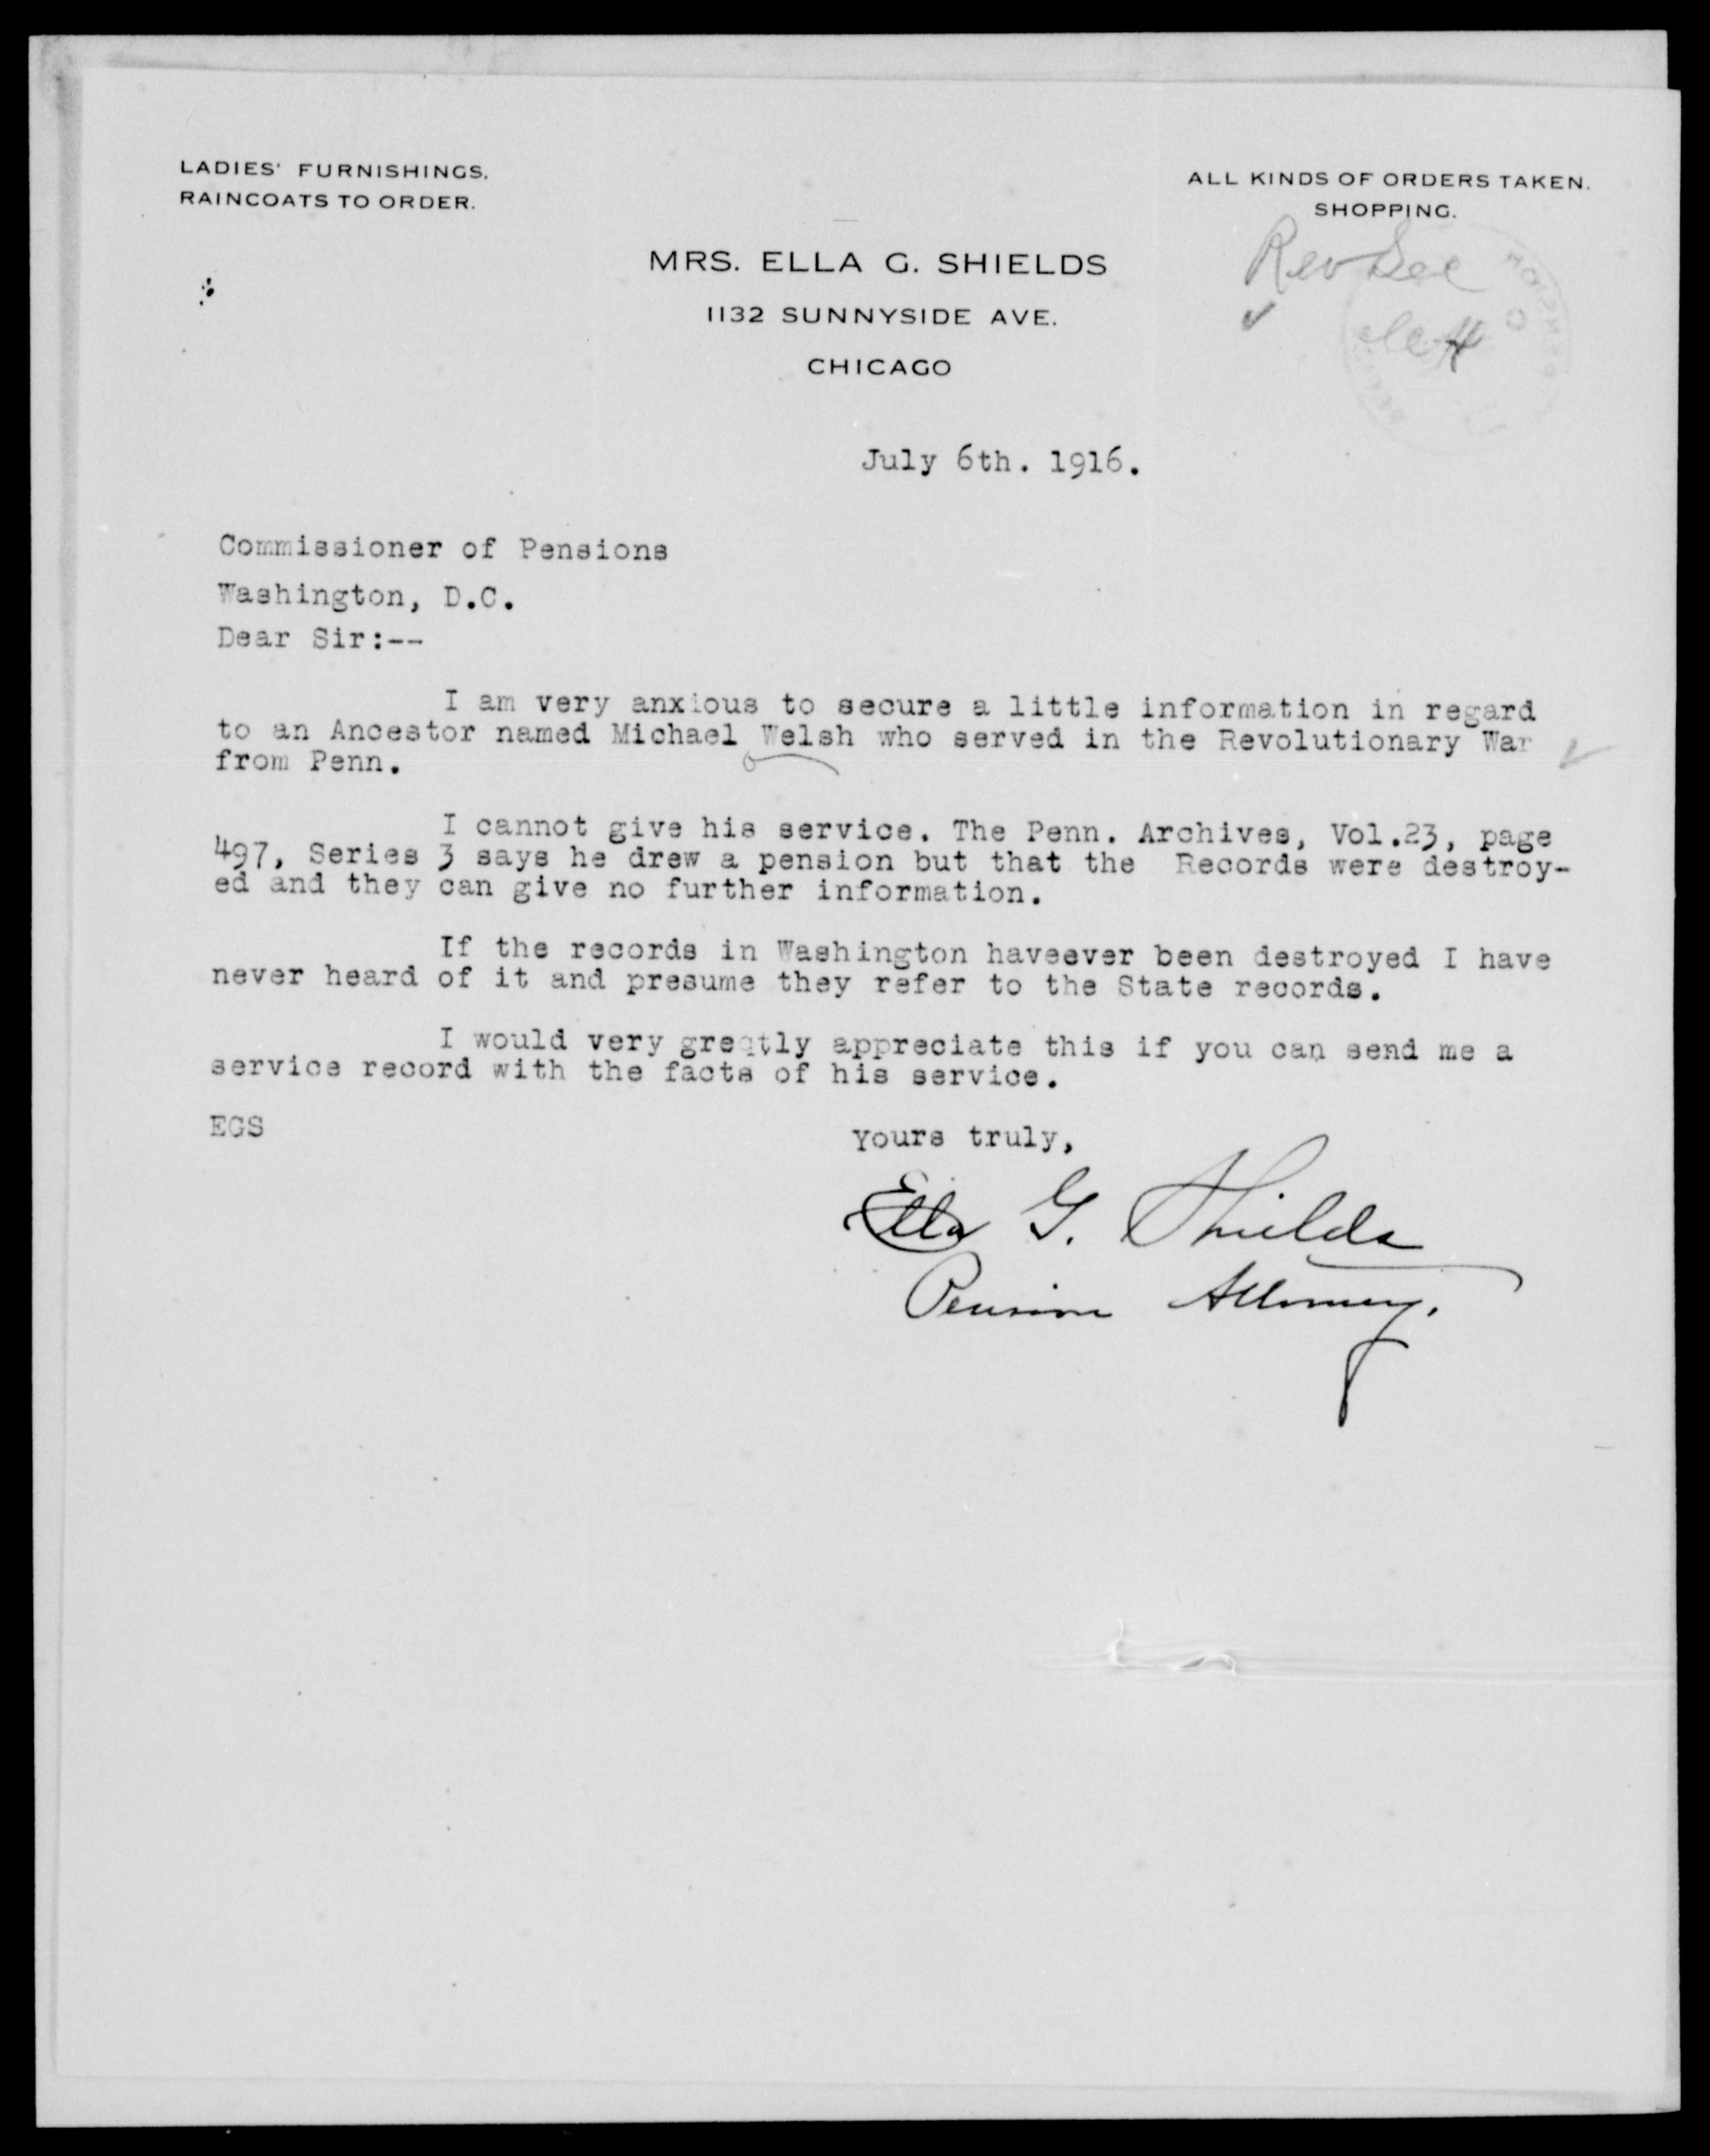LADIES' FURNISHINGS.  |                                        |  ALL KINDS OF ORDERS TAKEN.
RAINCOATS TO ORDER. |                                        |  SHOPPING
                                       | MRS. ELLA G. SHIELDS     |
                                       | 1132 SUNNYSIDE AVE.    |
                                       | CHICAGO                         |
                                       | July 6th, 1916.                  |

Commissioner of Pensions
Washington, D.C.
Dear Sir:--

I am very anxious to secure a little information in regard
to an Ancestor named Michael Welsh who served in the Revolutionary War
from Penn.

I cannot give his service. The Penn. Archives, Vol.23, page
497, Series 3 says he drew a pension but that the Records were destroyed
and they can give no further information.

If the records in Washington haveever been destroyed I have
never heard of it and presume they refer to the State records.

I would very greatly appreciate this if you can send me a 
service record with the facts of his service.

EGS       Yours Truly,
Ella G. Shields [signature]
Pension Attorney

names: Ella G Shields, Michael Welsh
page: 3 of 3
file: [BLANK], Michael Welsch, Penn Res. & Probably Troops Of Penn.